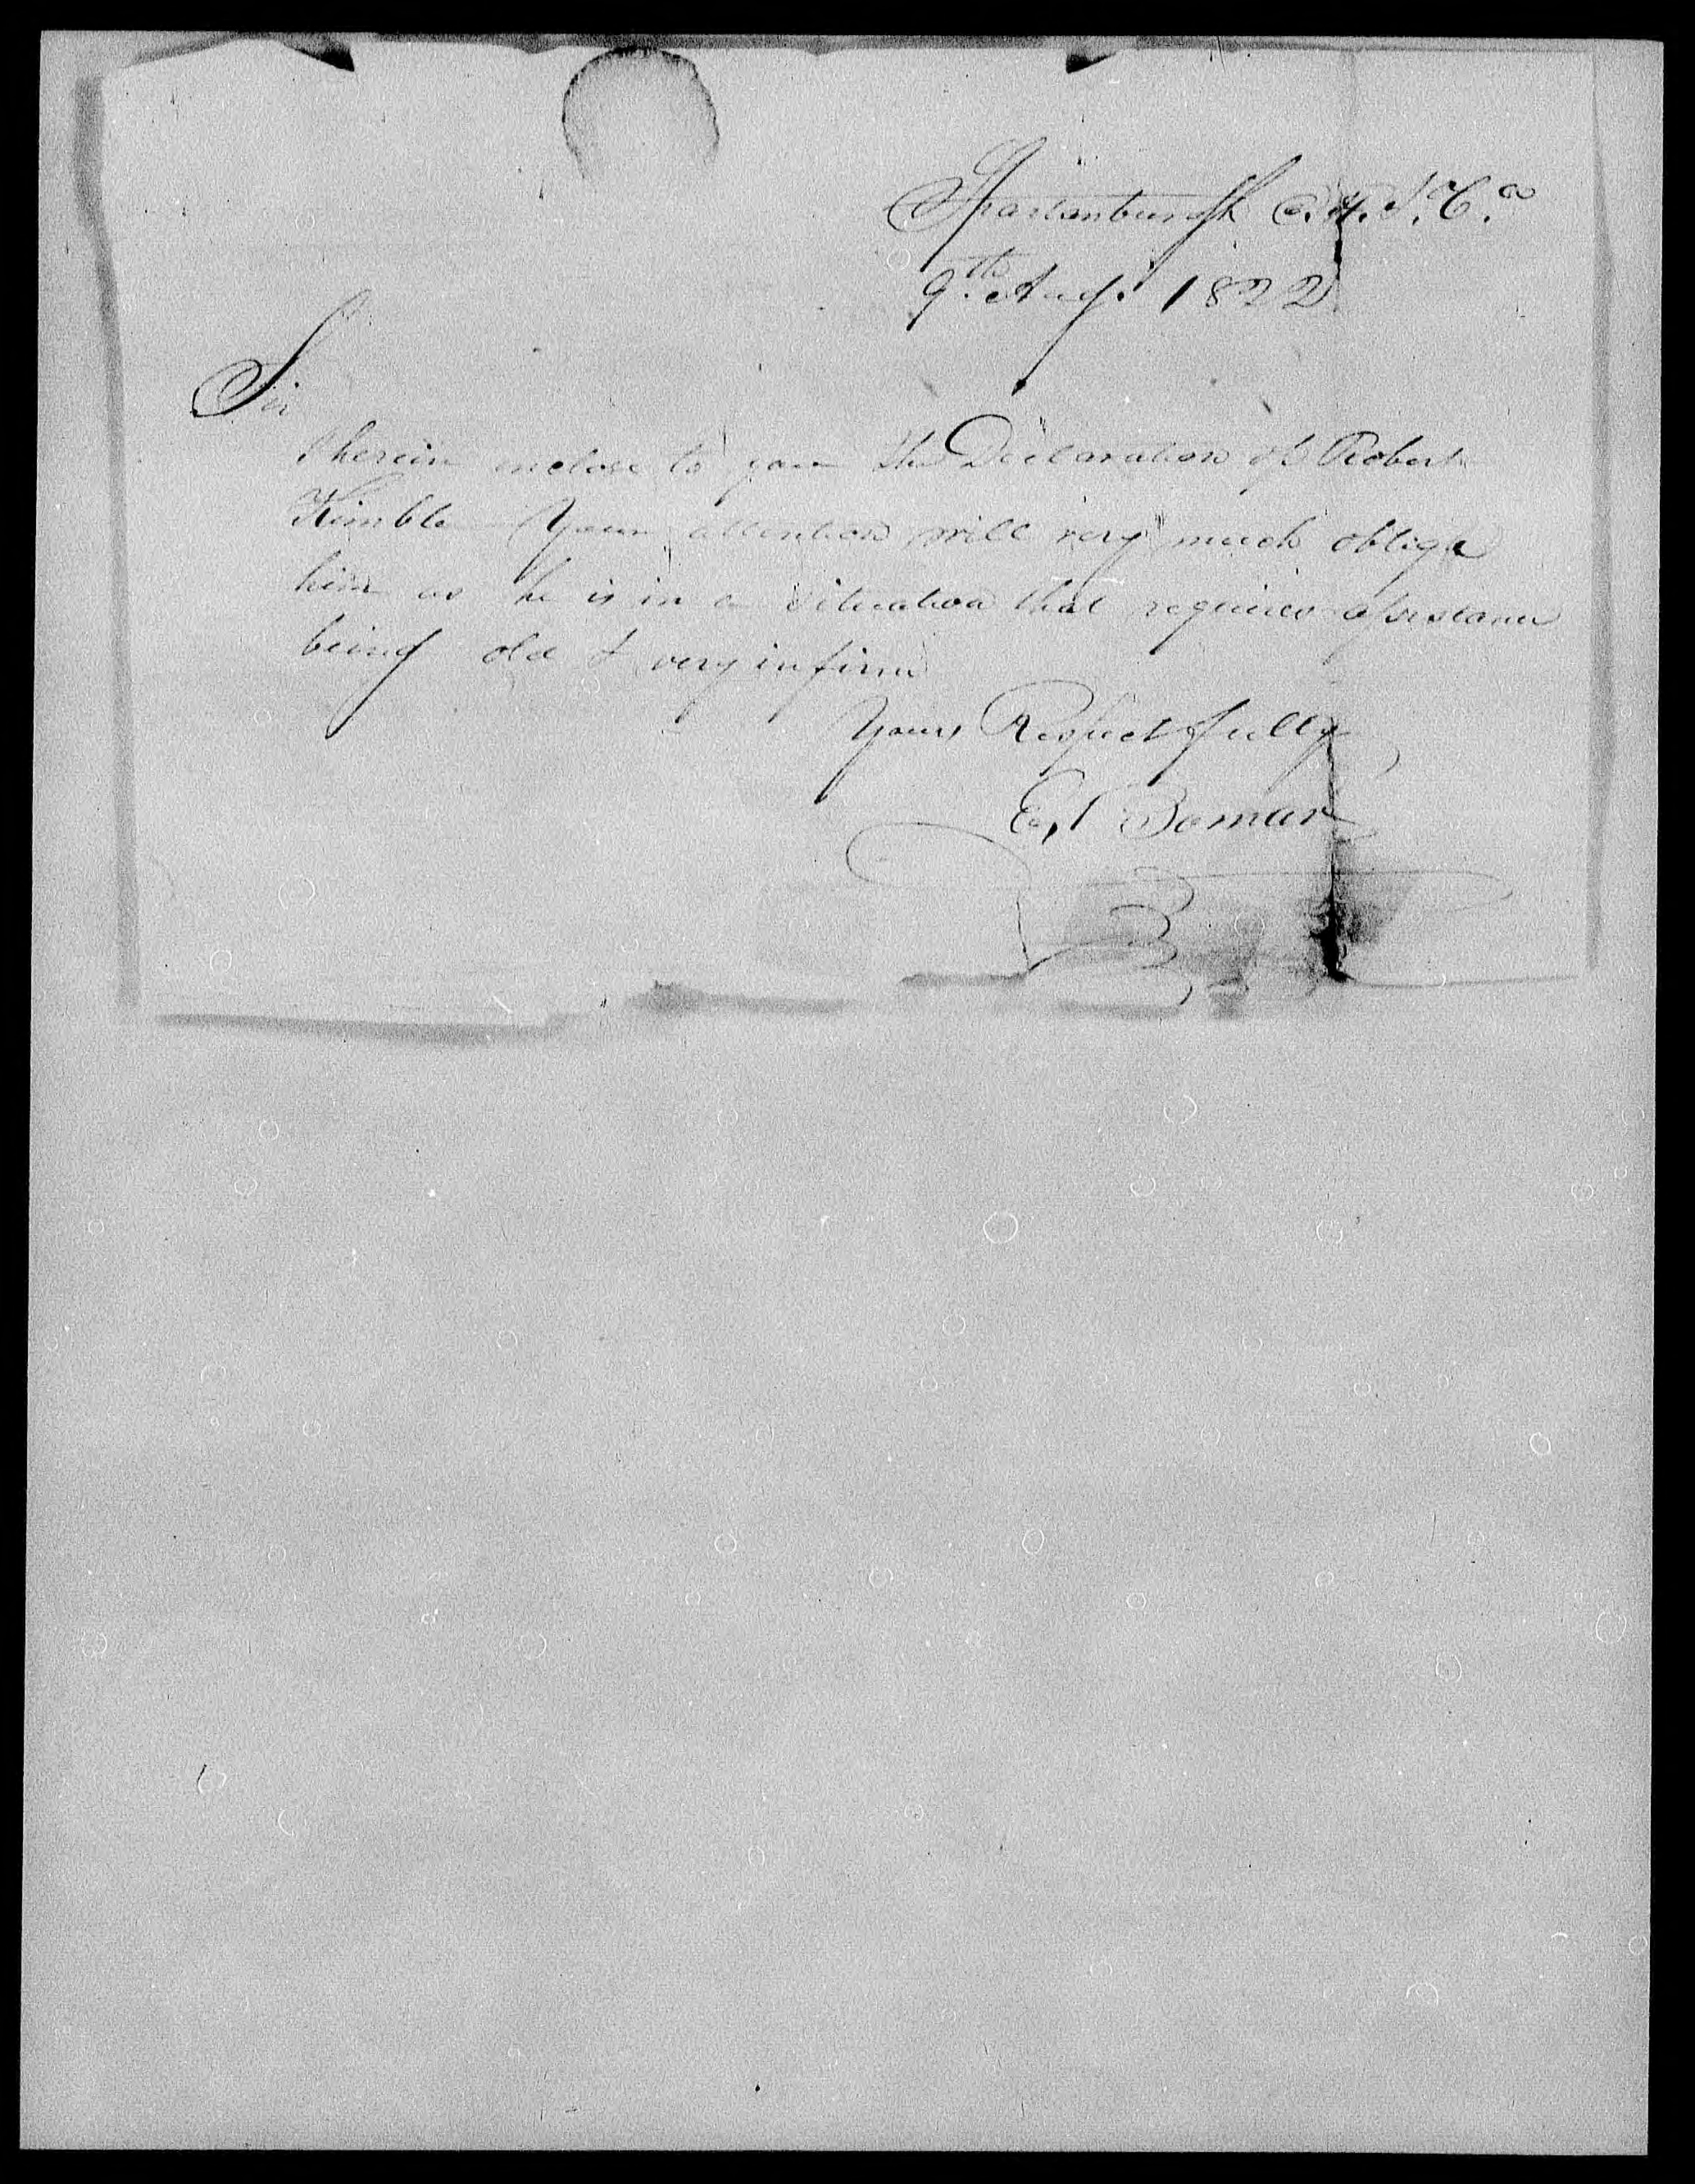Spartanburgh C.H. So. Ca.
9th Aug. 1822
Sir
I herein inclose to you the Declaration of Robert Kimble. Your attention will very much oblige
him as he is in a situation that requires assistance
being old & very inform.
Yours Respectfully
E. Bomar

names: E Bomar; Robert Kimble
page: 5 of 9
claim: survivor's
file: S. 38896, for Robert Kimble, Virginia